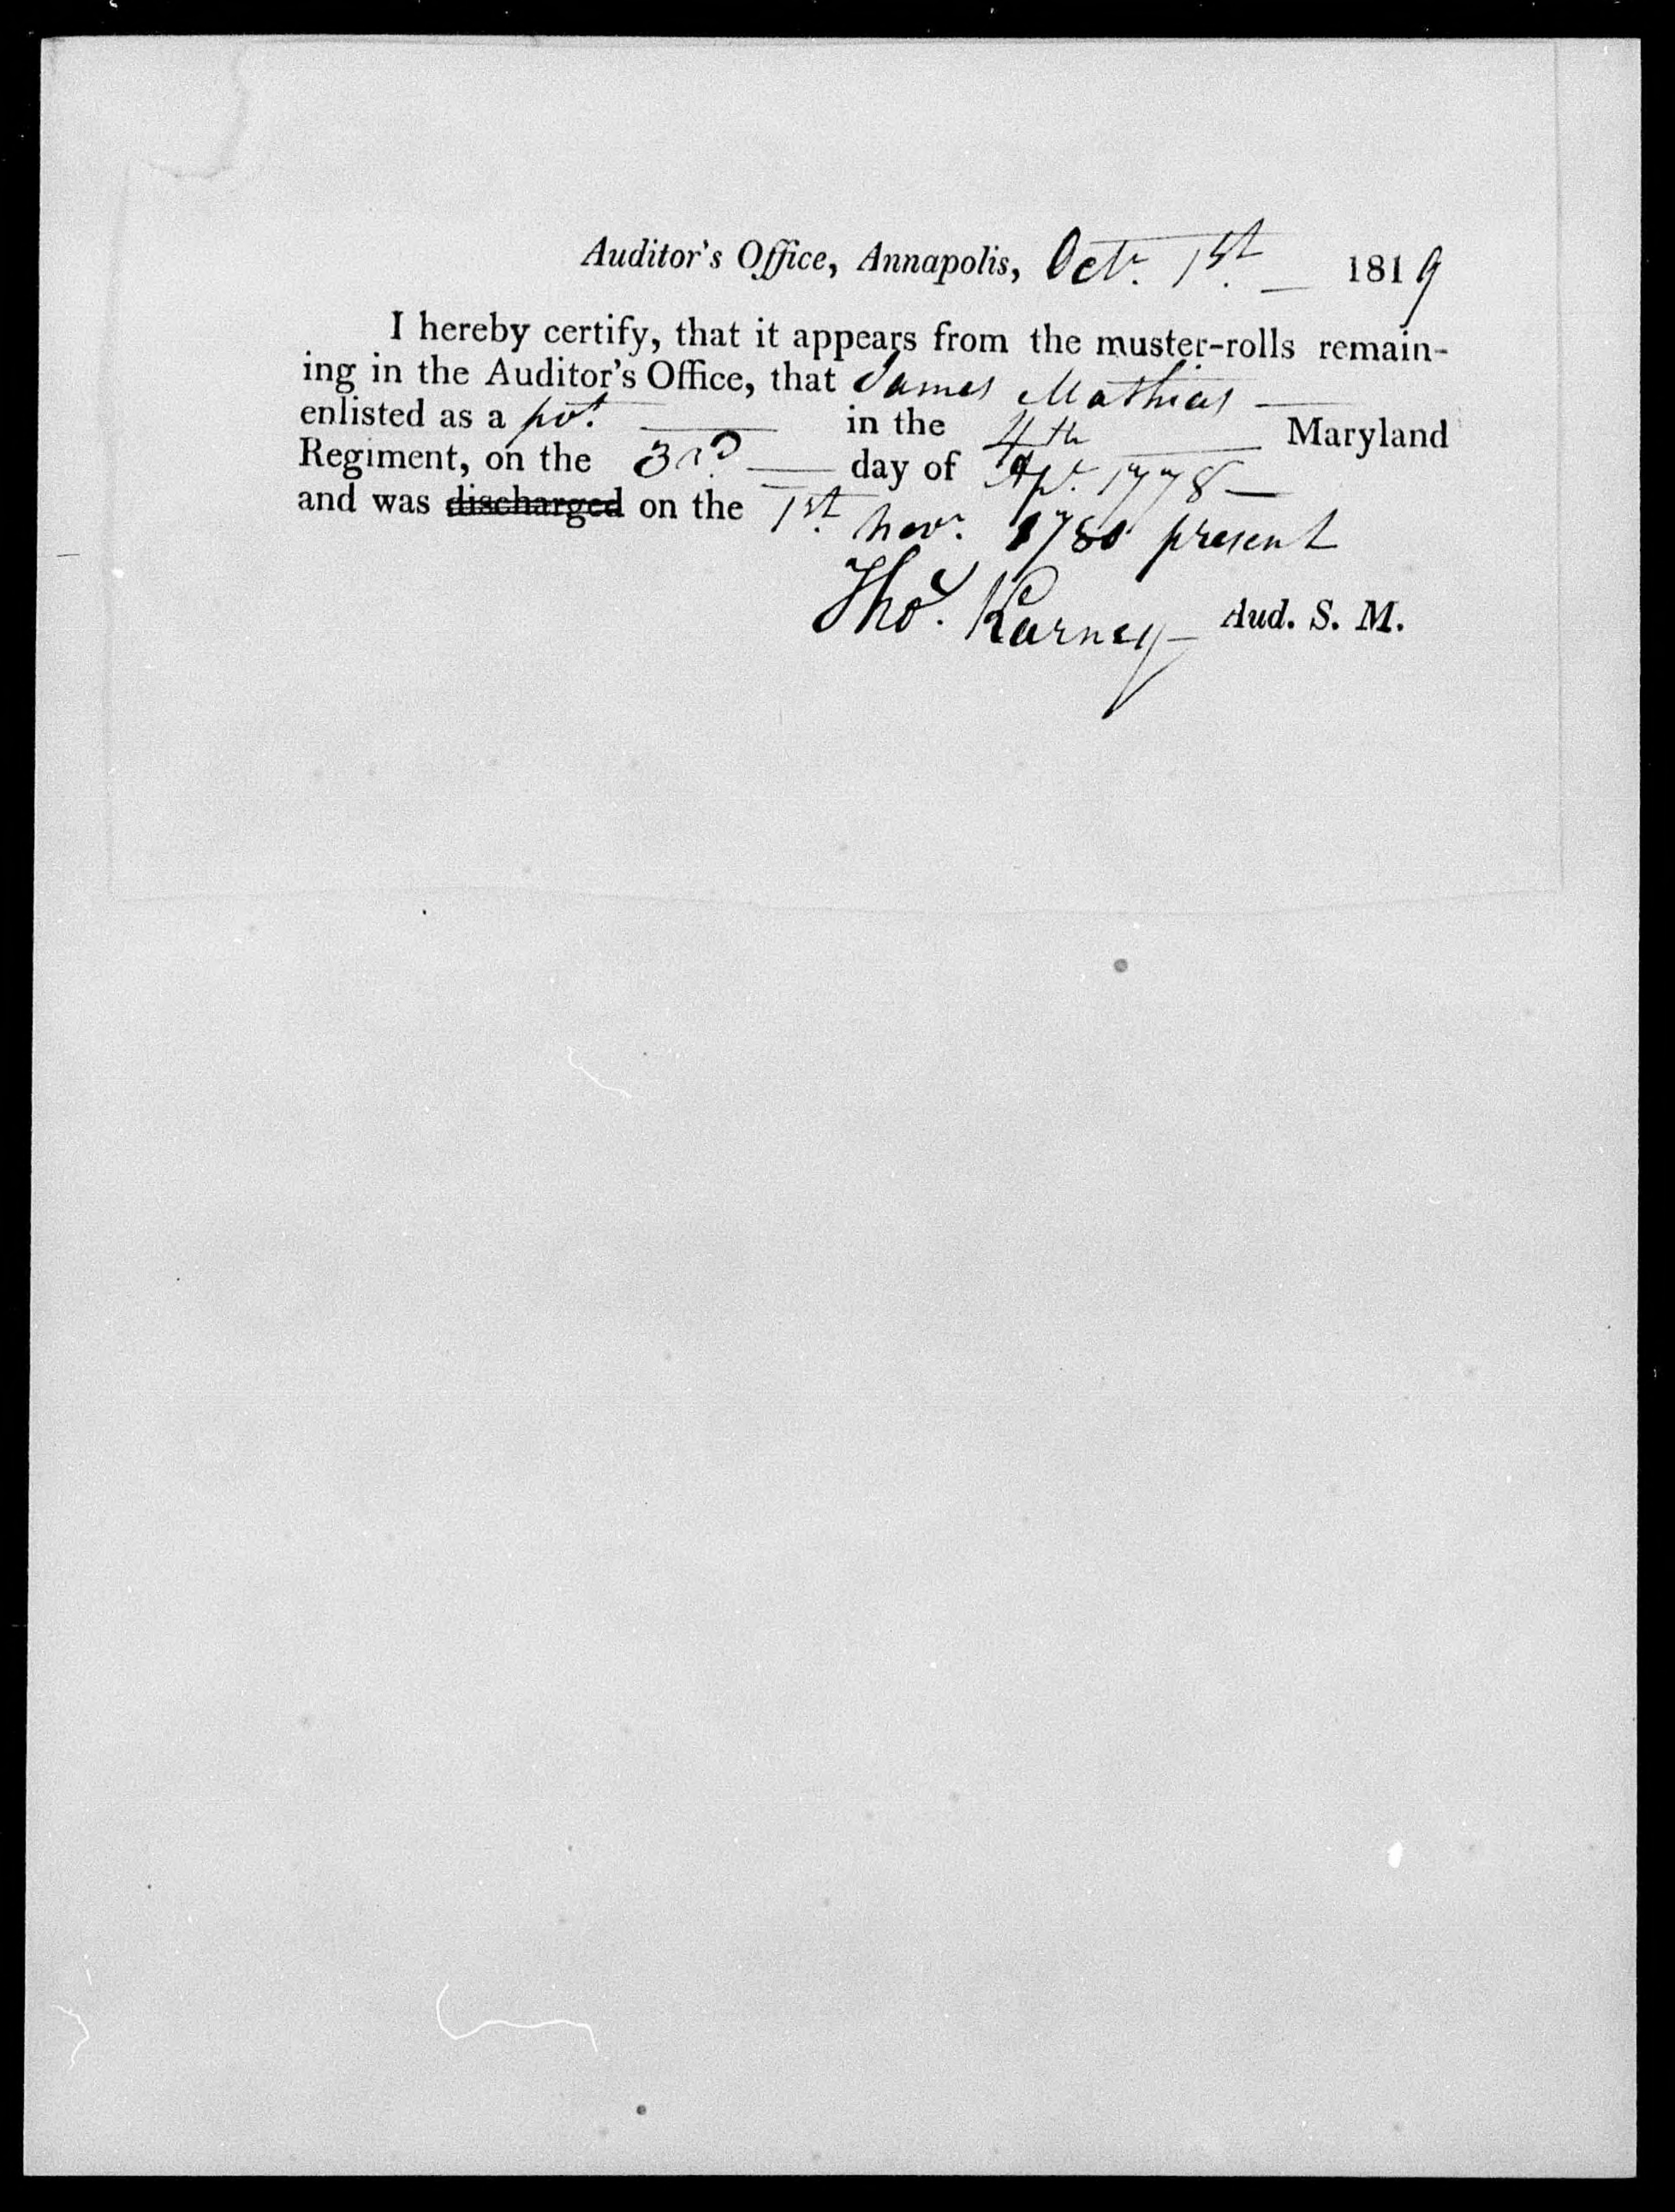Auditor's Office Annapolis Oct 1st 1819

I hereby certify, that it appears from the muster-rolls remaining in the Auditor's Office, that James Mathias
enlisted as a pvt in the 4th Maryland
Regiment, on the 3rd day of Apr 1778
and was discharged on the 1st Nov. 1780 present
Thos Karney
Aud. S. M.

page: 13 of 20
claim: survivor's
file: S. 40,119, for James Mathias, Maryland